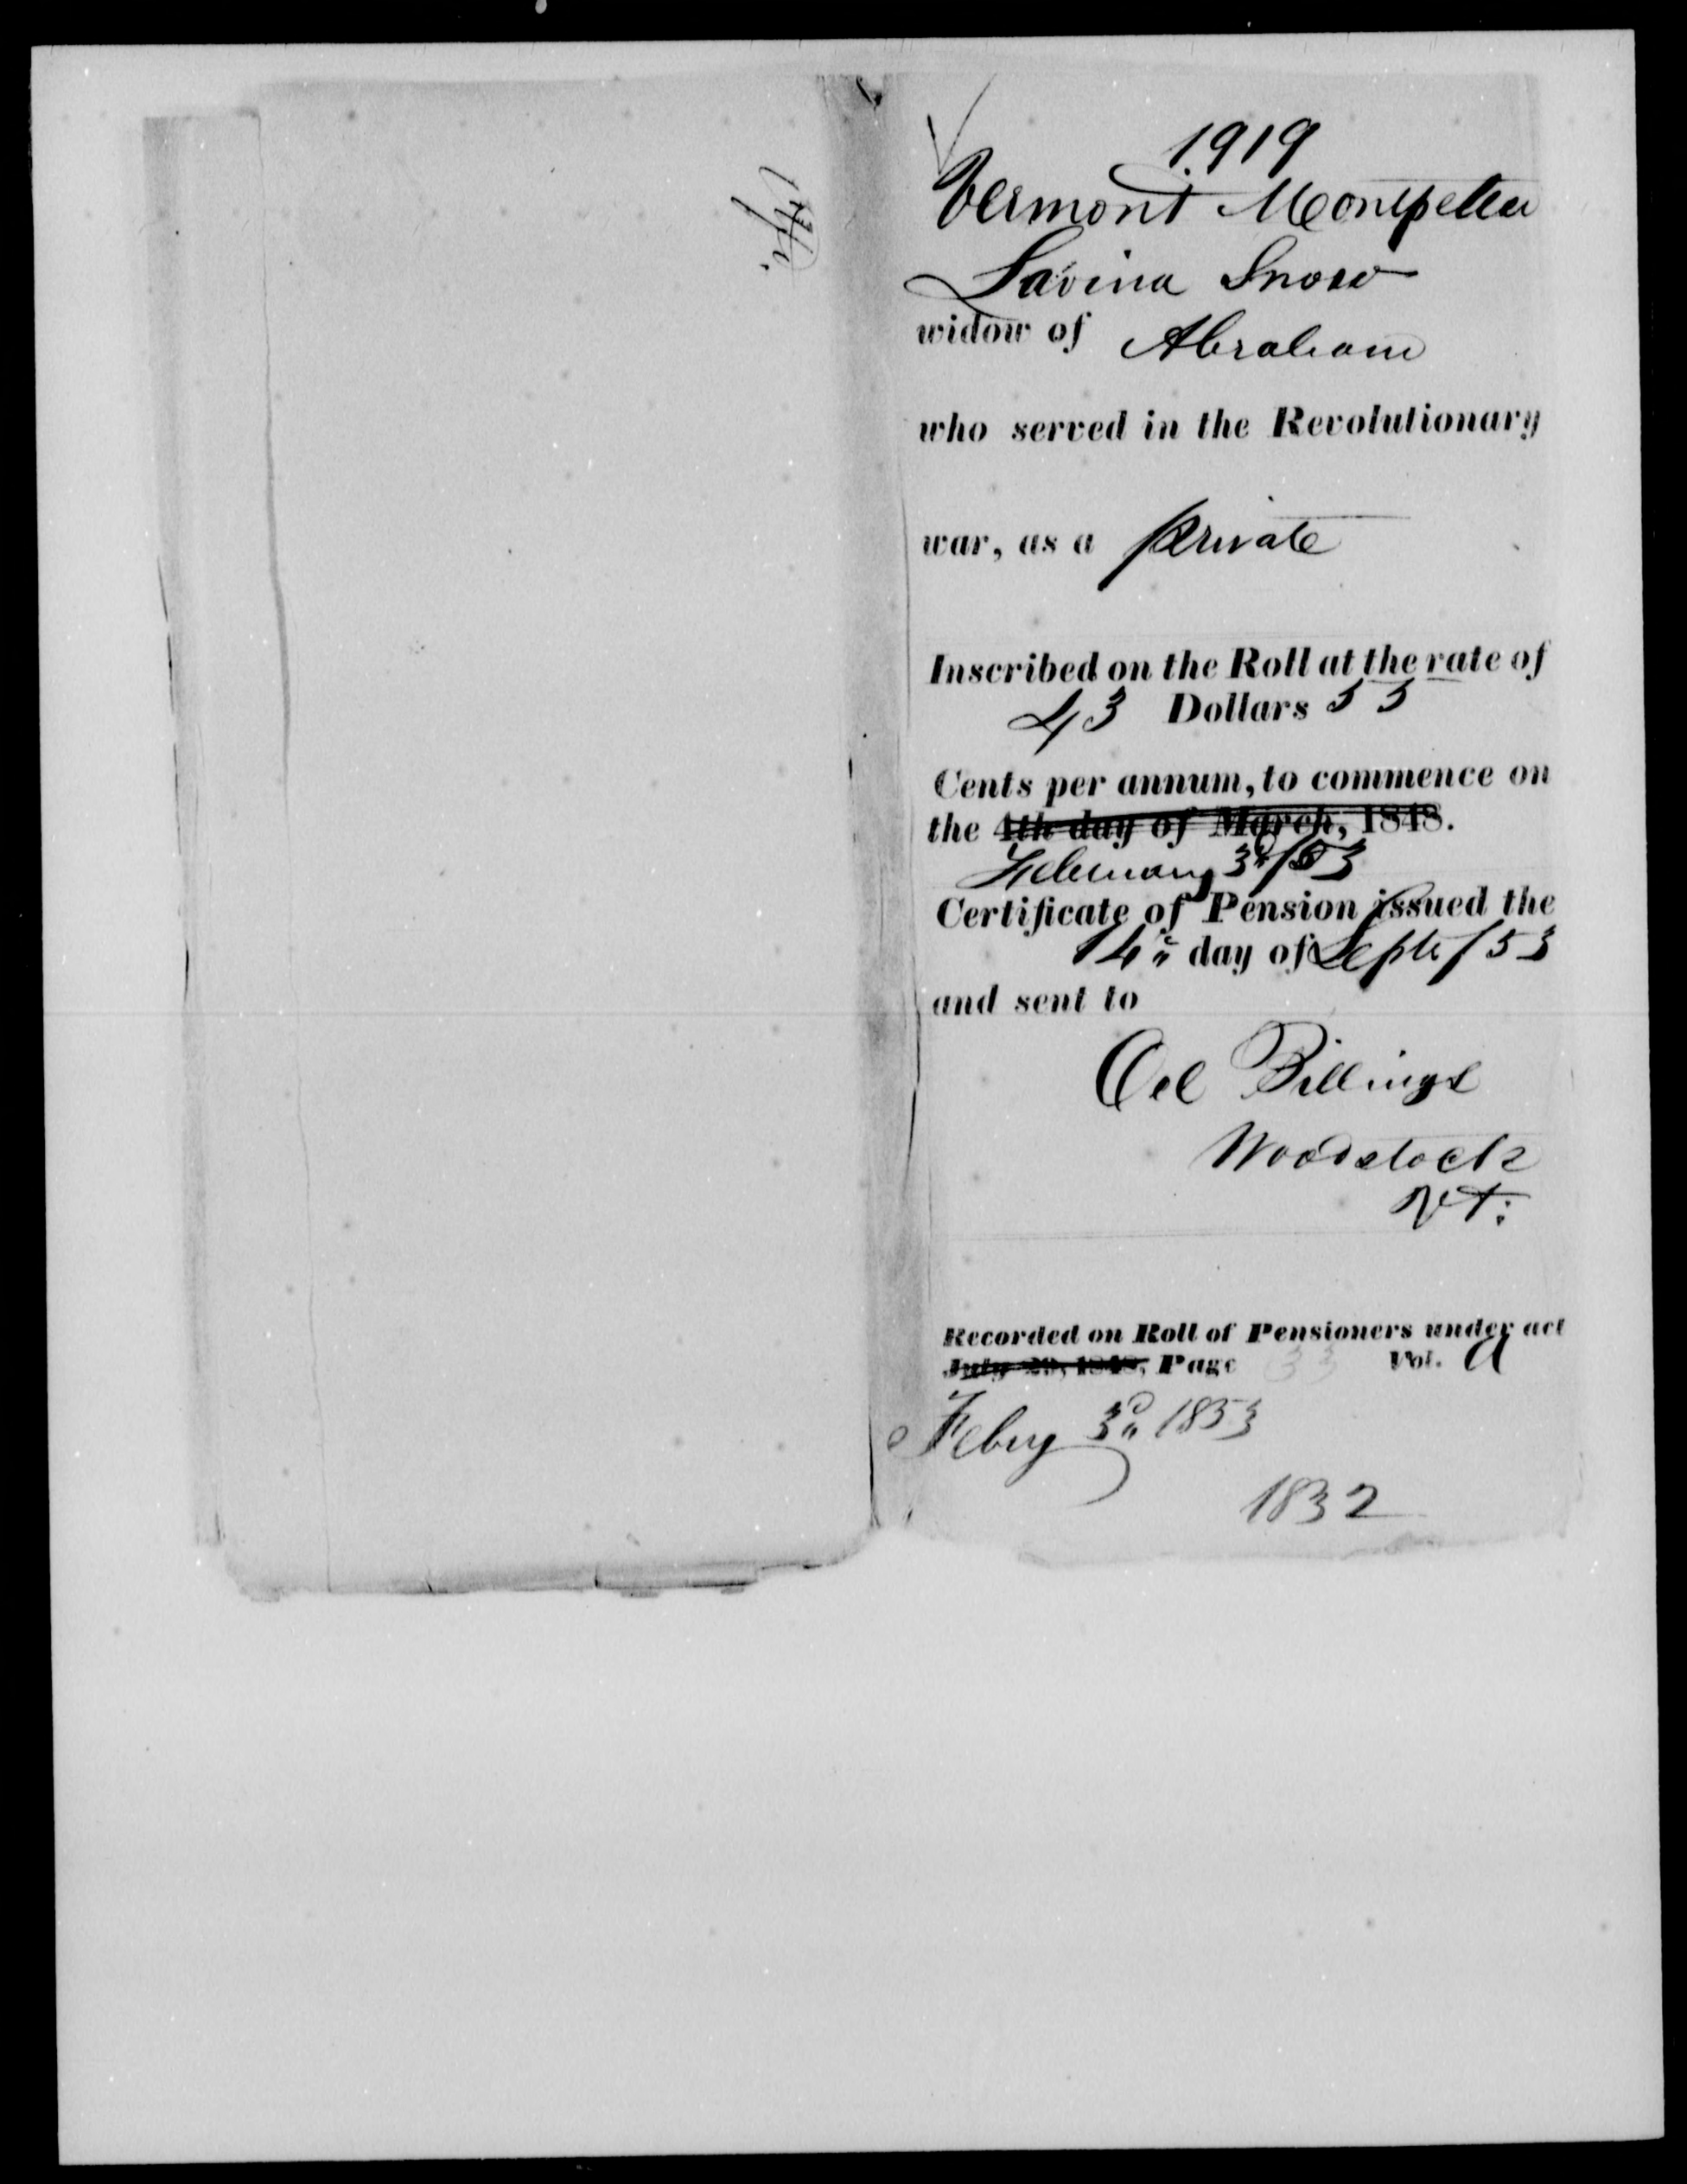1919
Vermont Neon[??]
Lavina Snow widow of Abraham who served in the Revolutionary war, as a private.
Inscribed on the Roll at the rate of 43 dollars 55 cents per annum, to commence on the February 3rd 1853. Certification of Pension issued the 14th day of Sept / 53 and sent to Oel Billings.
Woodstock

Recorded on Roll of Pensions under act July 3 183. Vol. 11
1832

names: Oel Billings; Abraham Snow; Lavina Snow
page: 42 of 46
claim: widow's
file: W. 504, for Abraham Snow, Connecticut